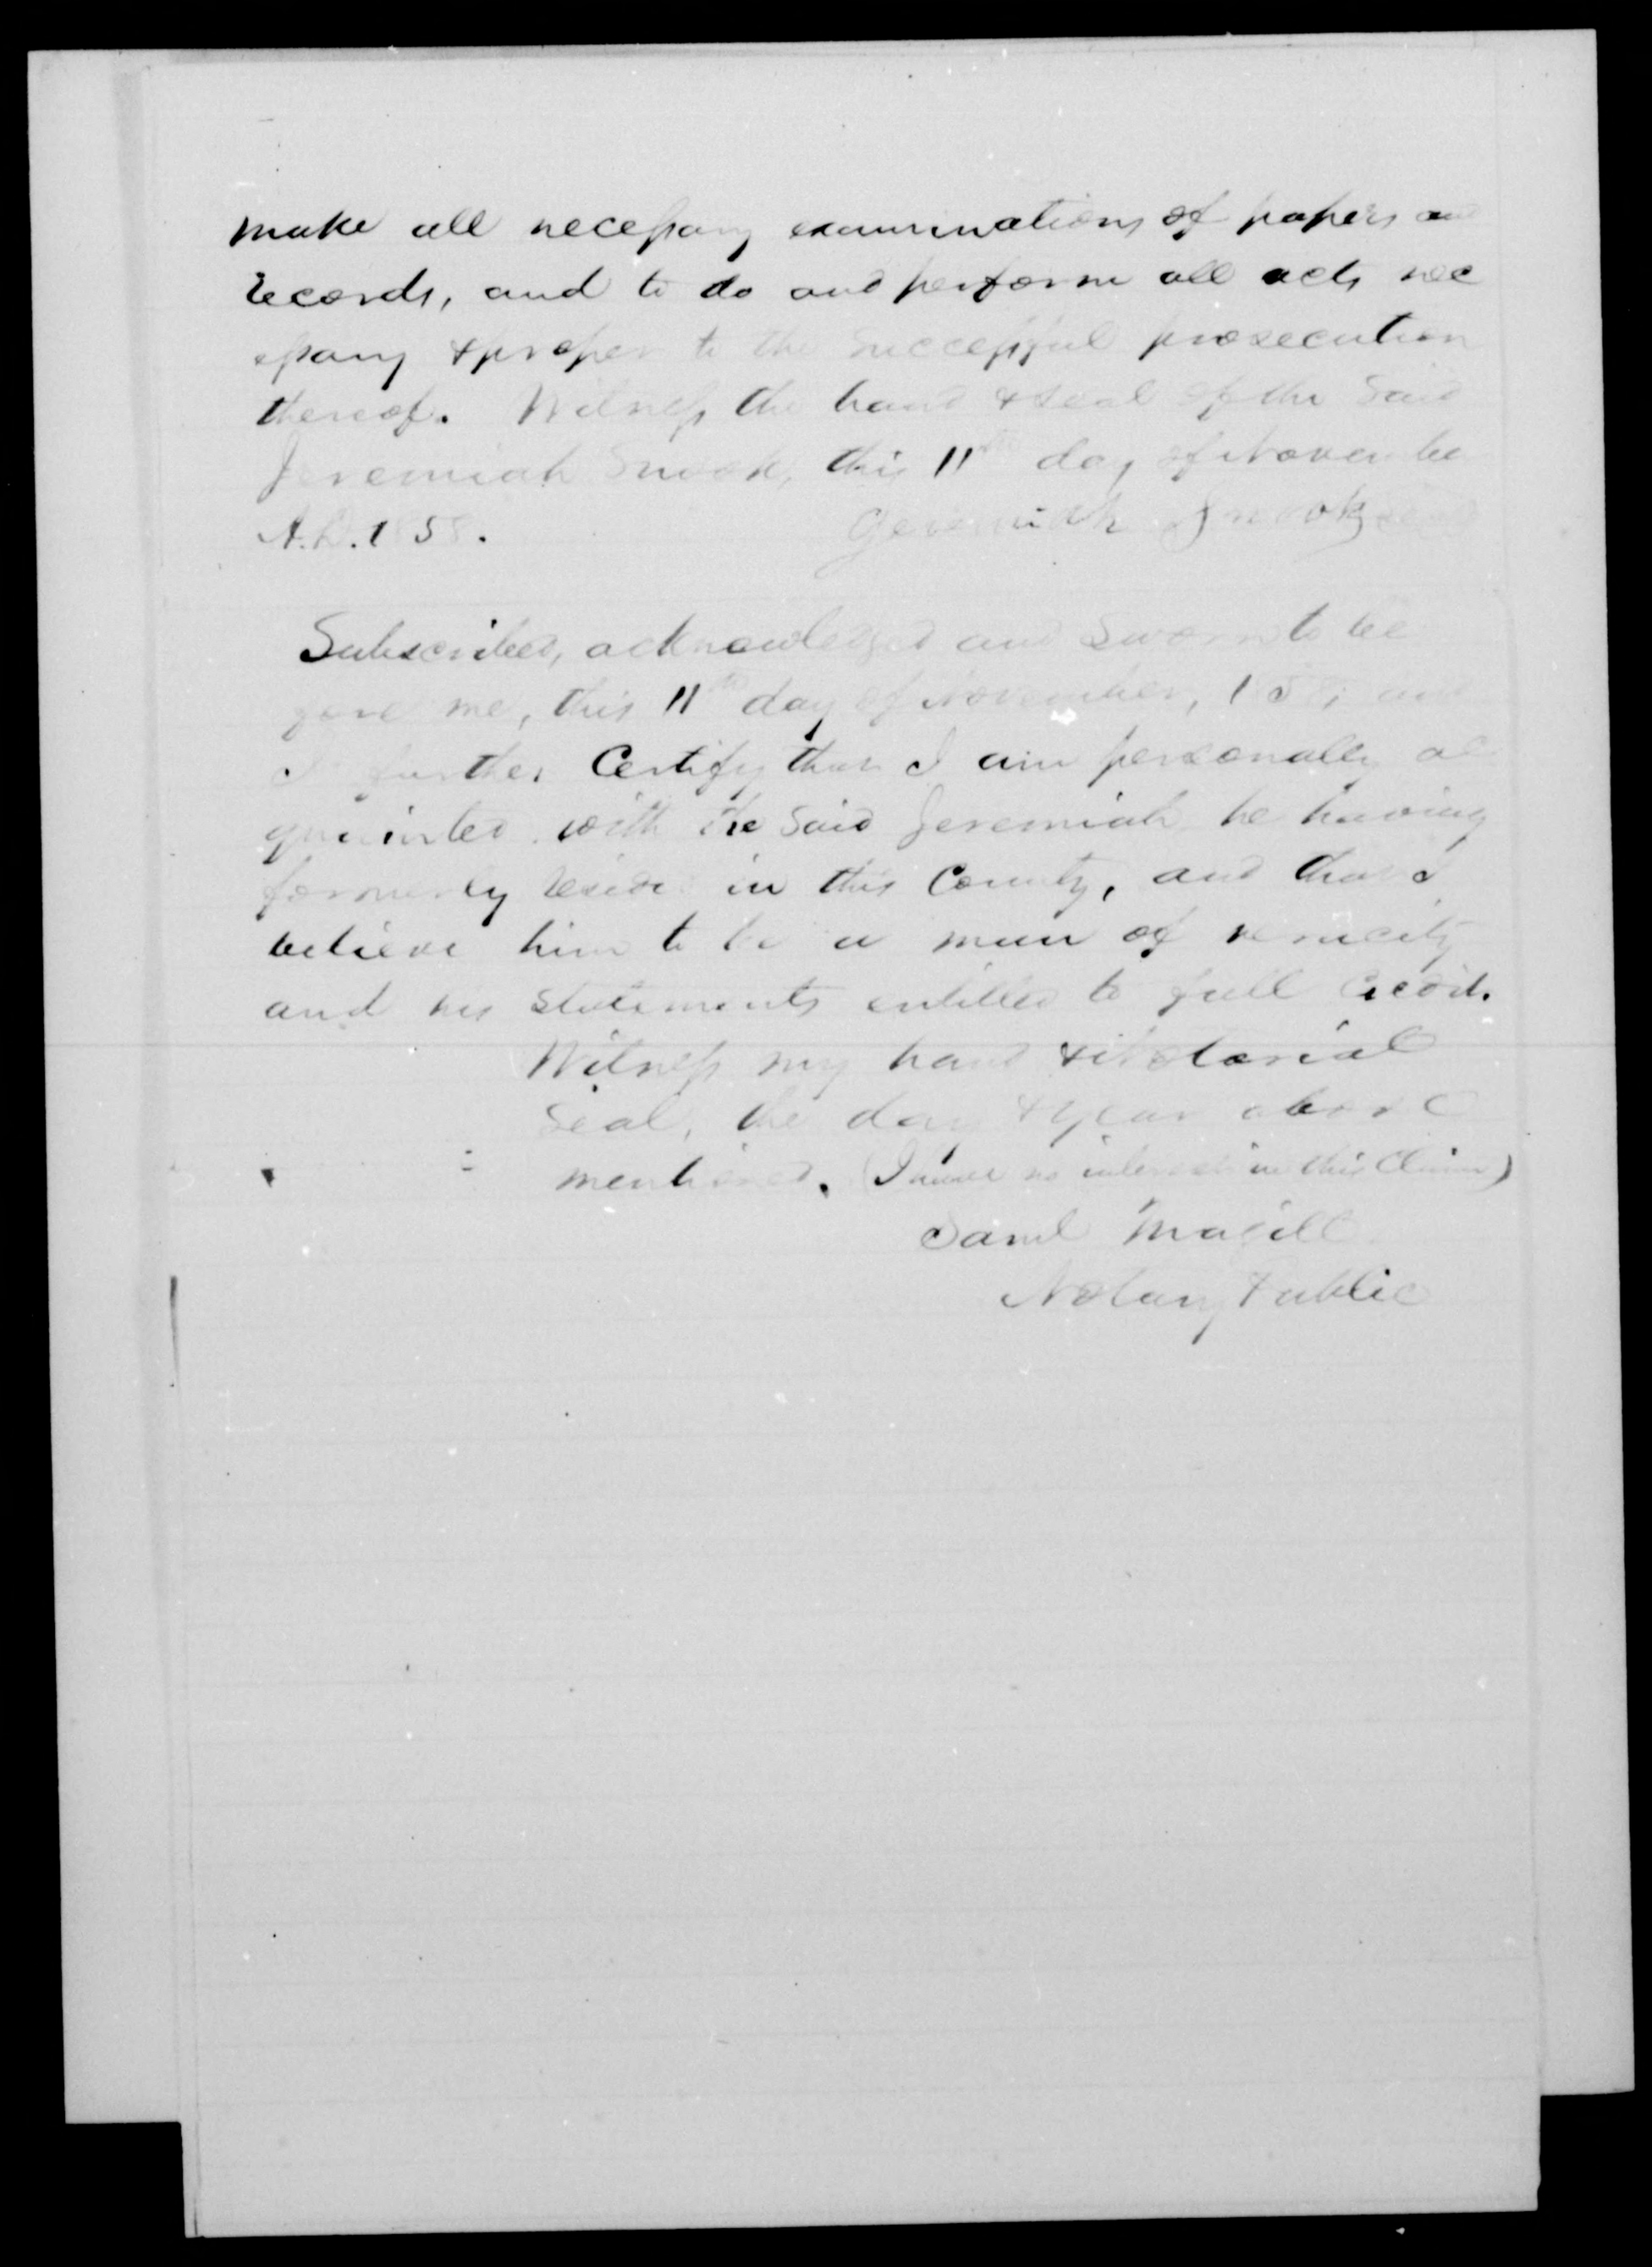make all necessary examinations of papers and
records, and to do and perform all acts necessary & proper to the successful prosecution thereof. Witness the hand & seal of the said Jeremiah Snook, this 11th day of November A.D. 1858.
Jeremiah Snook

Subscribed, acknowledged and sworn to before me, this 11th day of November, 1858, and I 
further certify that I am personally acquainted with the said Jeremiah he having formerly resided in this County, and that I believe him to be a man of veracity and his statements entitled to full credit.

Witness my hand & Notarial
seal, the day & year above
mentioned, (I have no interest in this claim)
Saml Magill
Notary Public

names: Saml Marill; Jeremiah Snook; Jeremiah Snook; Jeremiah [BLANK]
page: 14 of 15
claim: rejected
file: R. 9,905, for Philip Snook, New Jersey